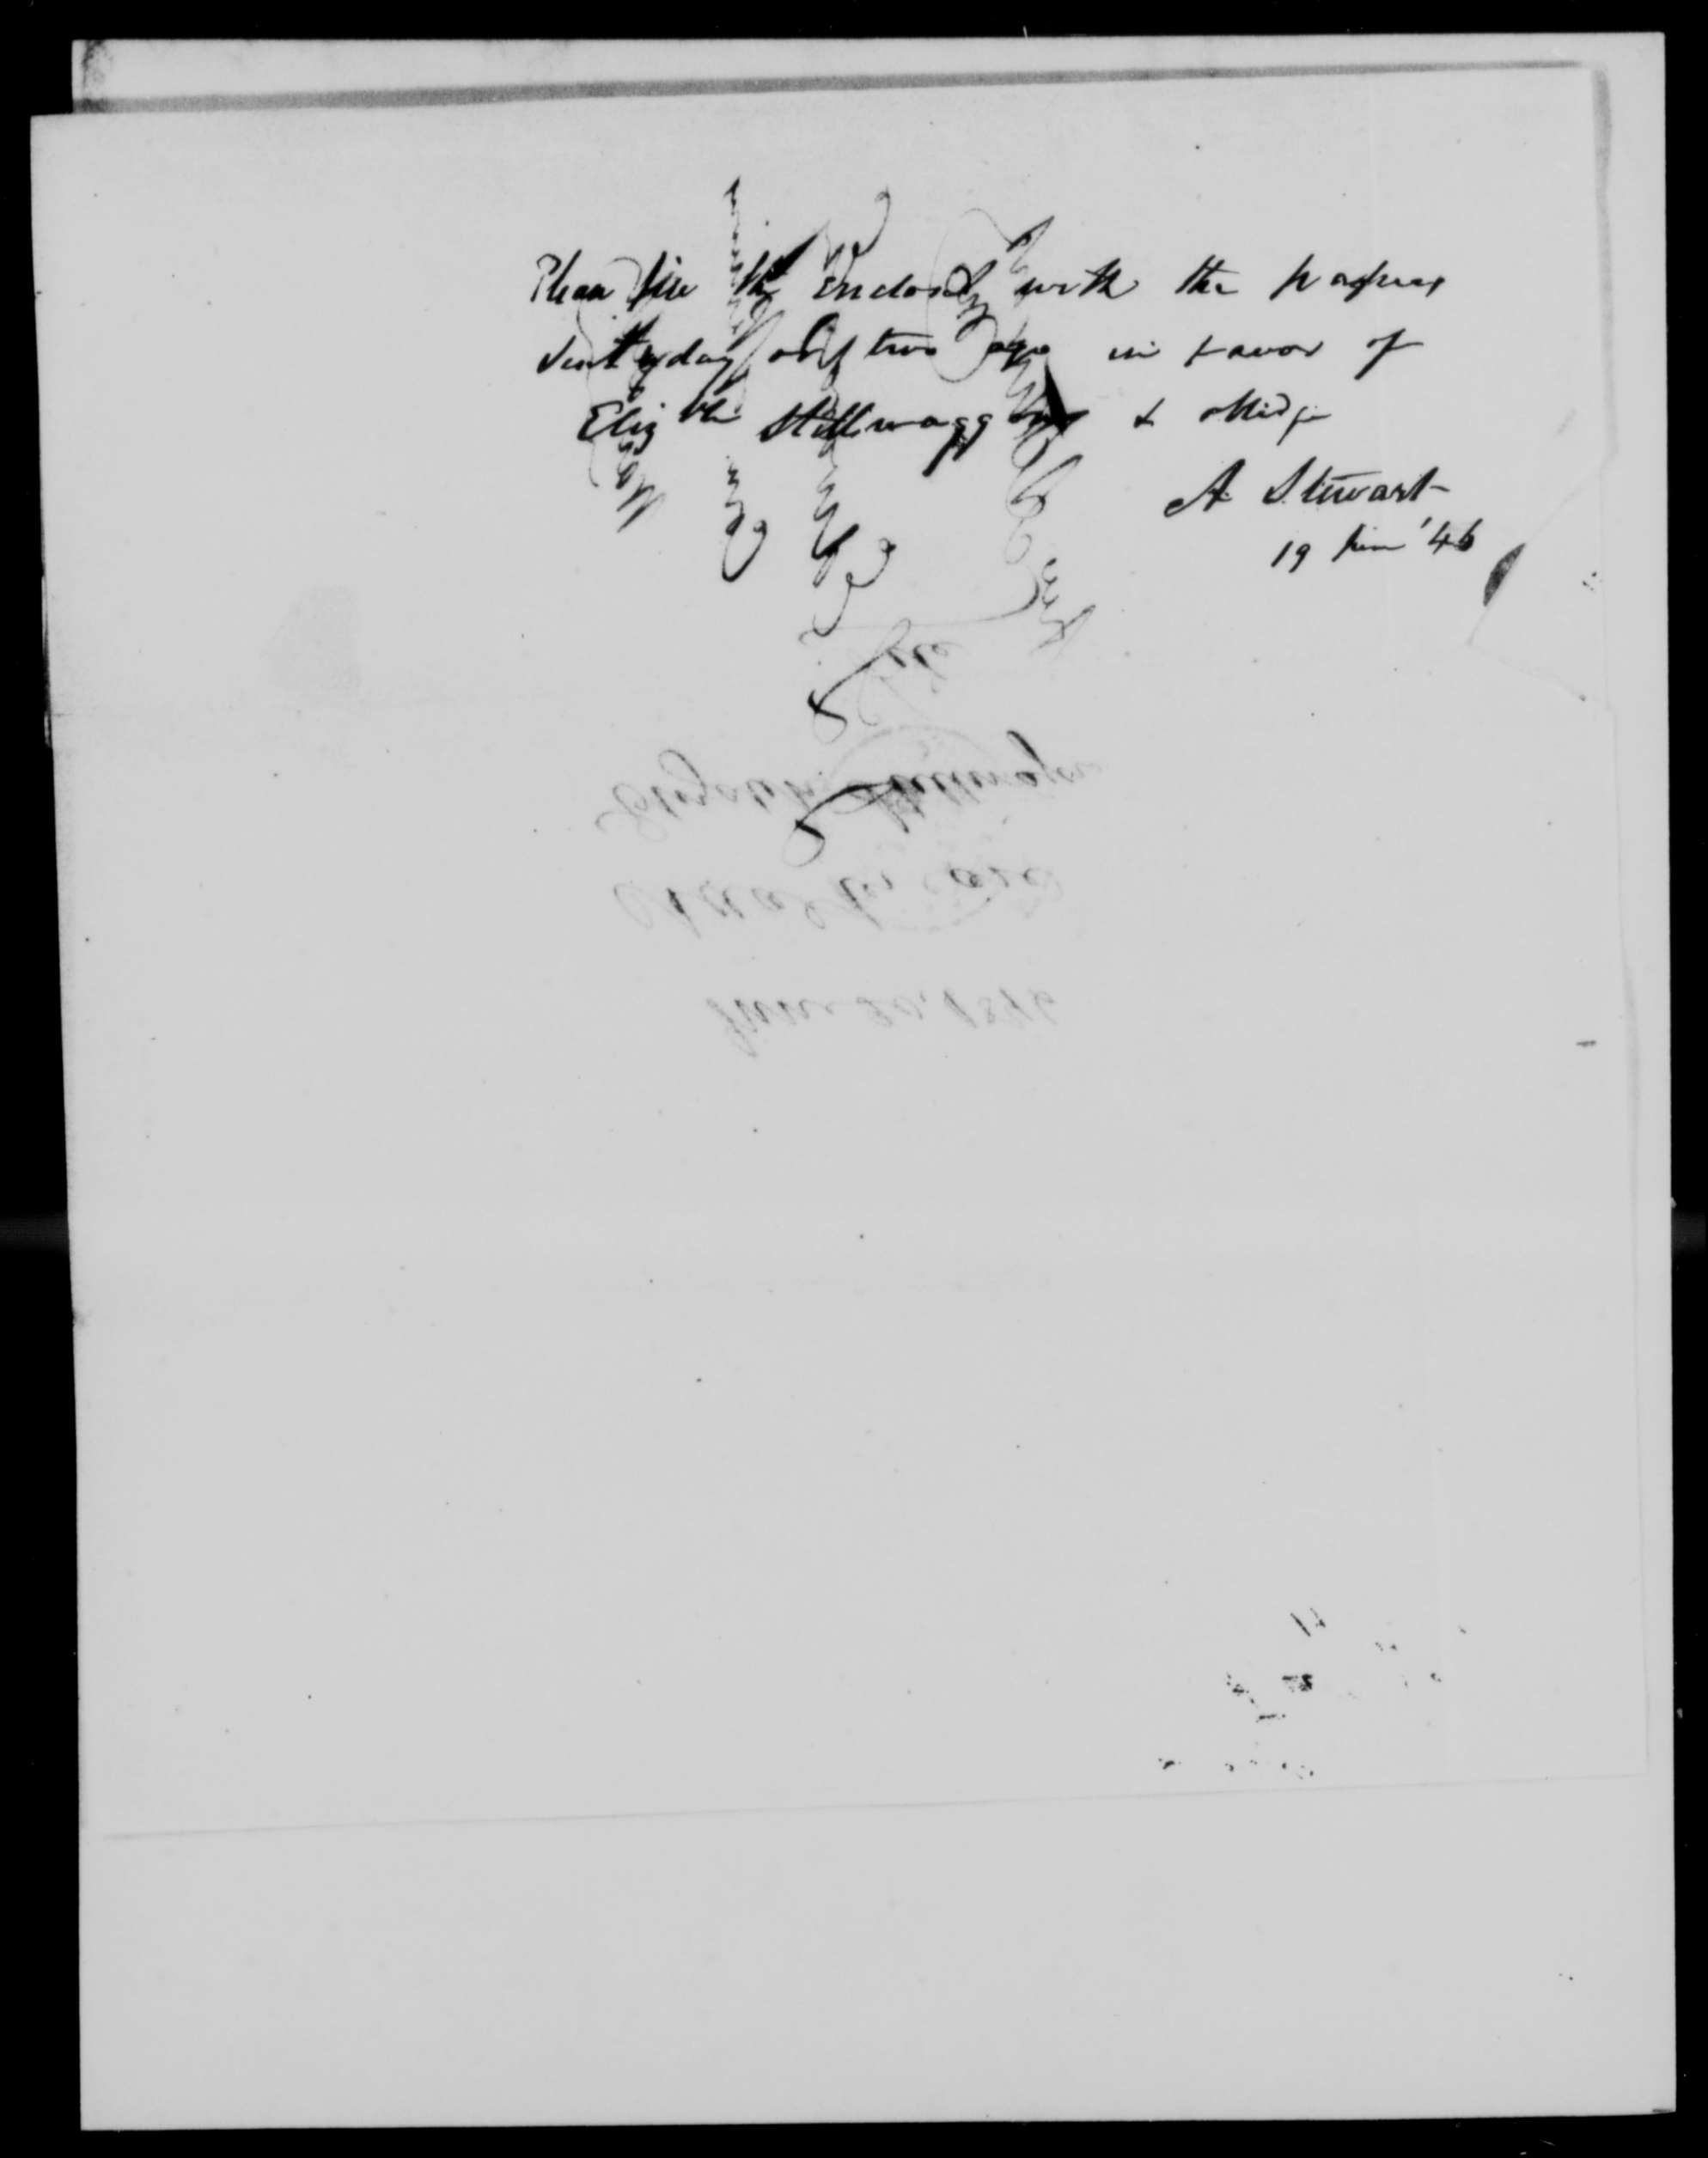Please file the enclosed with the papers [illegible] day [illegible] two [illegible] in favor of Elizabeth Stillwagon & [illegible]
A Stewart
19 Jun '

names: A Stewart; Elizth Stillwaggon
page: 56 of 73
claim: widow's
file: W. 3197, for Peter Stillwagon, New Jersey